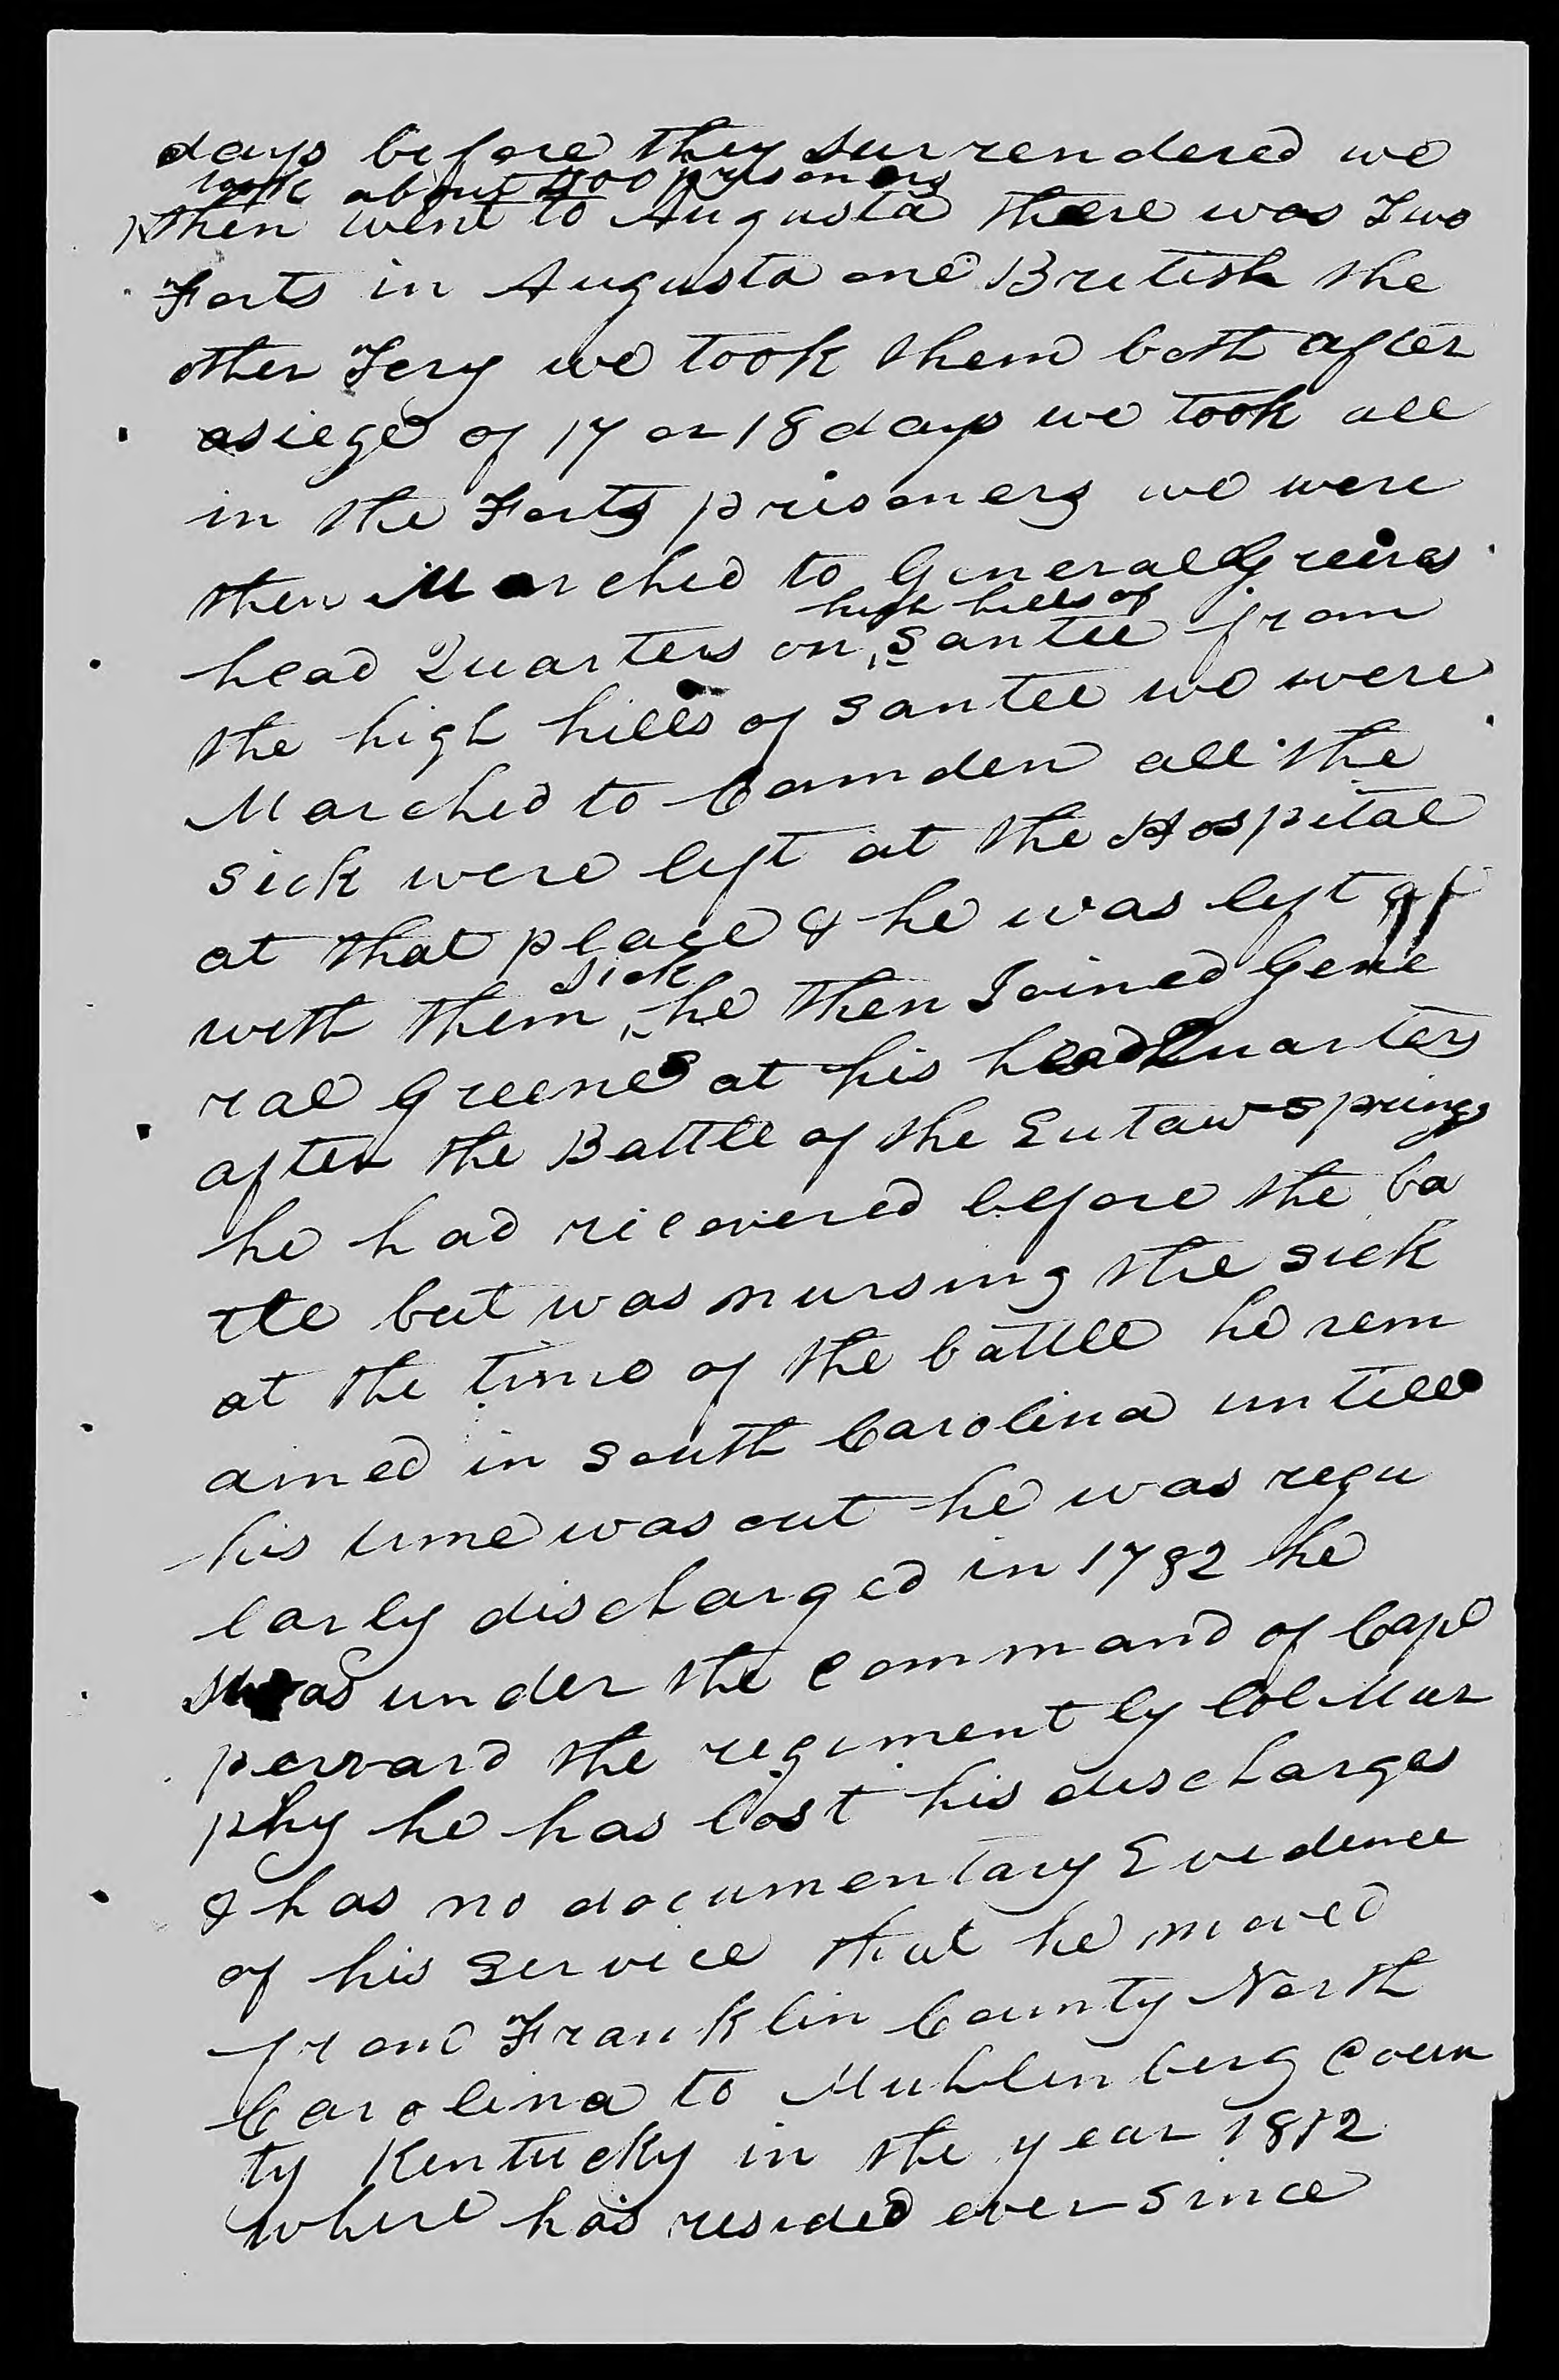days before they surrendered we took about 400 prisoners then went to Augusta there was two Forts in Augusta one British the other Tory we took them both after siege of 17 or 18 days we took all in the Forts prisoners we were then Marched to General Greenes headquarters on high hills of Santee from the high hills of Santee we were Marched to Camden all the sick were left at the Hospital at that place & he was left at
with them sick he then joined General Greene at his head quarters after the Battle of the Eutaw Springs he had recovered before the battle but was nursing the sick at the time of the battle he remained in South Carolina untill his time was out he was regularly discharged in 1782 he was under the command of Capt Perrard the regiment by Col Murphy he has lost his discharge & has no documentary evidence of his service that he moved from Franklin County North Carolina to Muhlenberg County Kentucky in the year 1812 where has resided ever since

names: Perrard, Greeves, Murphy, Greene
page: 4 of 27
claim: rejected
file: R. 5006, Richard Hill, N.C.